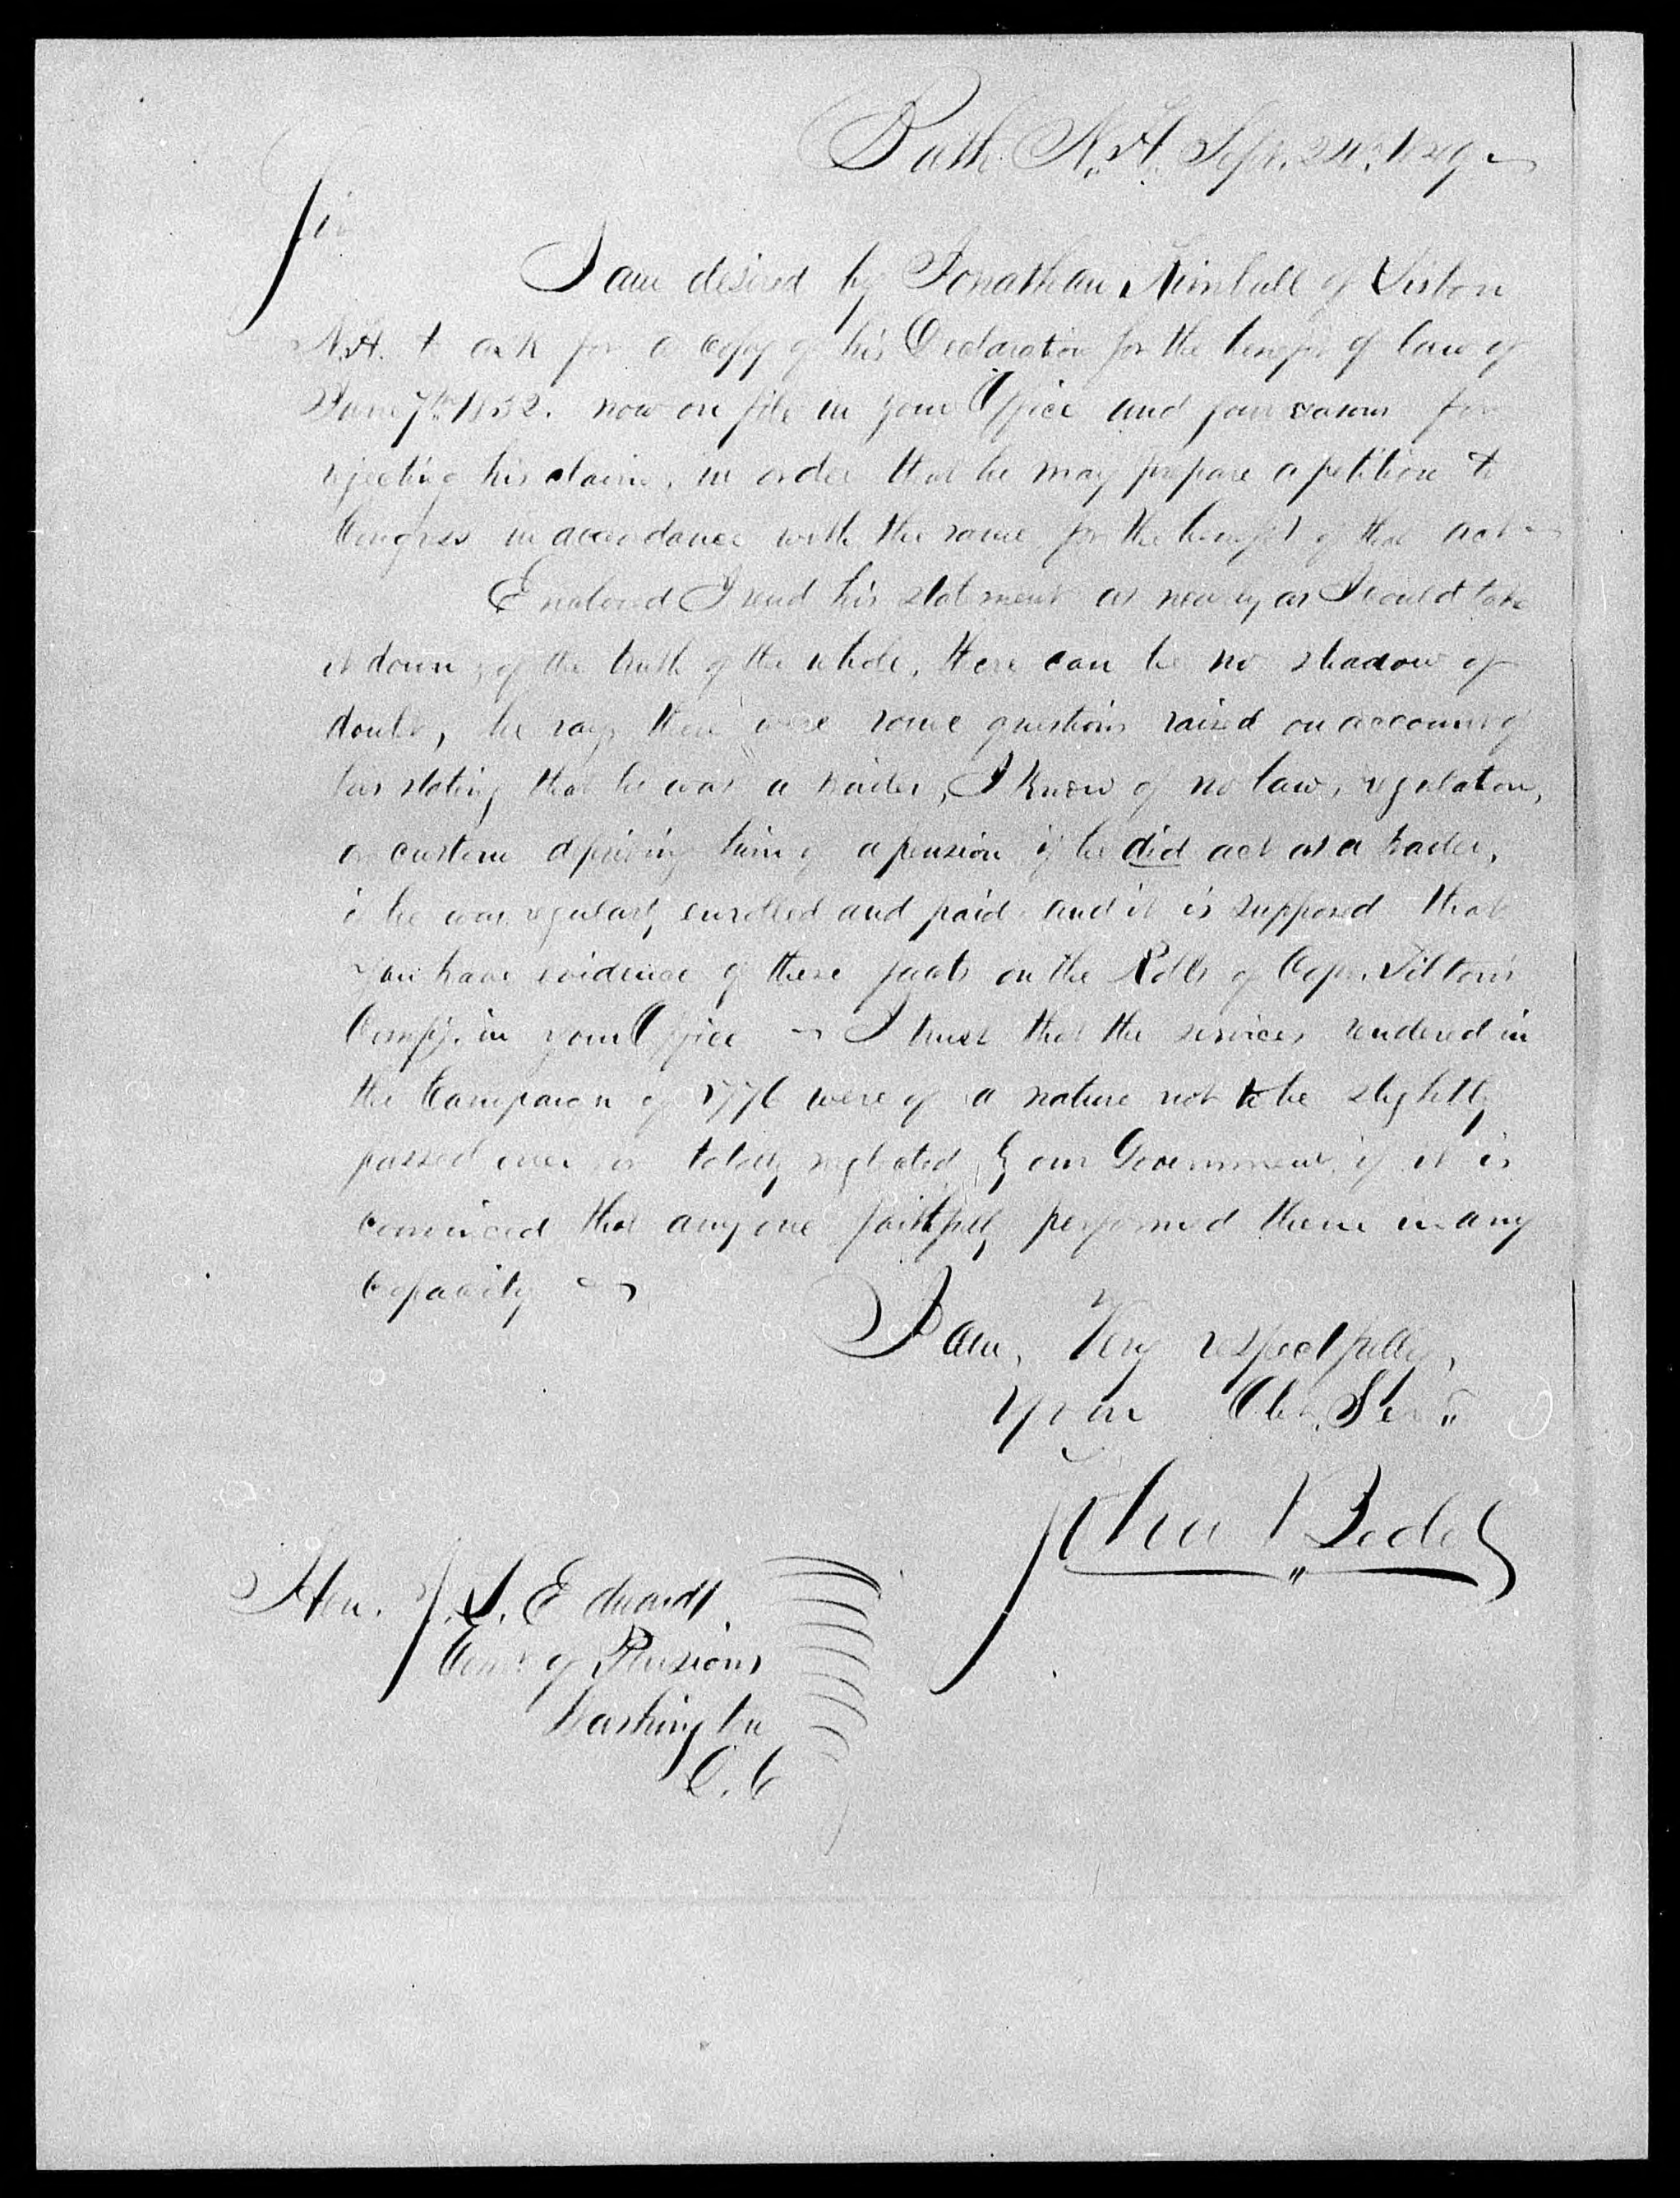Bath N.H. Sept. 24, [illegible]
Sir I am desired by Jonathan Kimball of Lisbon
N.H. & ask for a copy of his declaration for the benefit of law of Jany [JANUARY] 7th, 1832. now on file in your office and your reasons for rejecting his claim in order that he may prepare a petition to Congress in accordance with the same for the benefit of that act -
Enclosed find his statement as nearly as I could take it down of the truth of the whole, there can be no shadow of doubt, he says there were some questions raised on account of his stating that he was a waiter, I know of no law, regulation or Content depriving him of a pension if he did act as a waiter,  if he was regularly enrolled and paid and it is supposed that you have evidence of these facts on the Roll of Capt. Tilton's Company in your office  -I trust that the services rendered in the Campaign of 1776 were of a nature not to be lightly passed over in totally related your Government if it is convinced that any one faithfully performed hence in any Capacity -
I am Very Respectfully Your Obt. Sevt. [OBEDIENT SERVENT]
John Bedel

Hon J.L. Edwards Comr [COMMISSIONER] of Pensions Washington D.C.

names: John Bedel; Jonathan Kimball; J L Edwards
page: 14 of 14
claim: rejected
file: R 5922, for Jonathan Kimball, New Hampshire